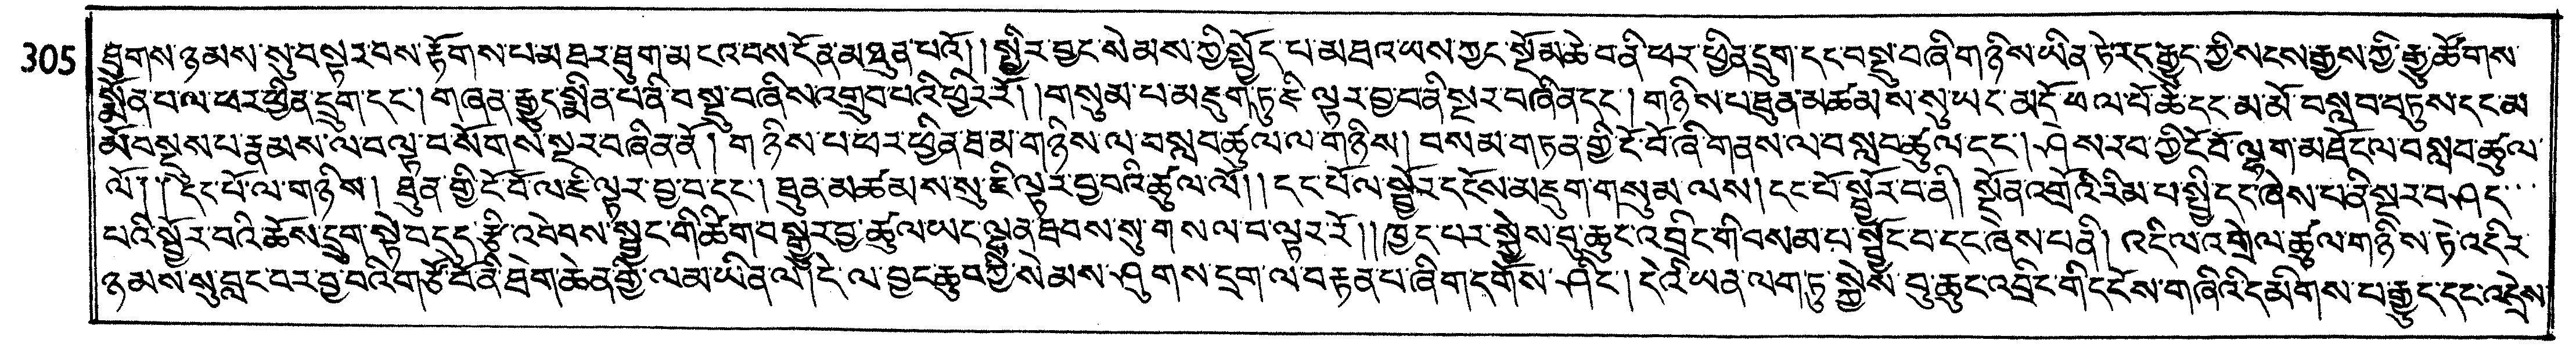ཐུགས་ཉམས་སུ་བསྟར་བས་རྟོགས་པ་མཐར་ཐུག་མངའ་བས་དོན་མཐུན་པའོ། །སྤྱིར་བྱང་སེམས་ཀྱི་སྤྱོད་པ་འཐའ་ཡས་ཀྱང་སྡོམ་ཆེ་བ་ནི་ཕར་ཕྱིན་དྲུག་དང་བསྡུ་བཞི་གཉིས་ཡིན་ཏེ་རང་རྒྱུད་ཀྱི་སངས་རྒྱས་ཀྱི་རྒྱུ་ཚོགས་
སྨོན་པ་ལ་ཕར་ཕྱིན་དྲུག་དང་། གཞན་རྒྱུད་སྨིན་པ་ནི་བསྡུ་བཞིས་འགྲུབ་པའི་ཕྱིར་རོ། །གསུམ་པ་མཇུག་ཏུ་ཇི་ལྟར་བྱ་བ་ནི་སྔར་བཞིན་དང་། གཉིས་པ་ཐུན་མཚམས་སུ་ཡང་མདོ་ཕལ་པོ་ཆེ་དང་མ་མོ་བསླབ་བཏུས་དང་མ་
མོ་བསྡུས་པ་རྣམས་ལ་བལྟ་བ་སོགས་སྔར་བཞིན་ནོ། གཉིས་པ་ཕར་ཕྱིན་ཐ་མ་གཉིས་ལ་བསླབ་ཚུལ་ལ་གཉིས། བསམ་གཏན་གྱི་ངོ་བོ་ཞི་གནས་ལ་བསླབ་ཚུལ་དང་། ཤེས་རབ་ཀྱི་ངོ་བོ་ལྷག་མཐོང་ལ་བསླབ་ཚུལ་
ལོ༑ ༑དང་པོ་ལ་གཉིས། ཐུན་གྱི་ངོ་བོ་ལ་ཇི་ལྟར་བྱ་བ་དང་། ཐུན་མཚམས་སུ་ཇི་ལྟར་བྱ་བའི་ཚུལ་ལོ། །དང་པོ་ལ་སྦྱོར་དངོས་མཇུག་གསུམ་ལས། དང་པོ་སྦྱོར་བ་ནི། སྔོན་འགྲོའི་རིམ་པ་སྤྱི་དང་ཞེས་པ་ནི་སྔར་བཤད་
པའི་སྦྱོར་བའི་ཆོས་དྲུག་སྟེ་བདུད་རྩེ་འབེབས་སྦྱང་གི་ཚིག་བསྒྱུར་བྱ་ཚུལ་ཡང་ལྷན་ཐབས་སུ་གསལ་བ་ལྟར་རོ། །ཁྱད་པར་སྐྱེས་བུ་ཆུང་འབྲིང་གི་བསམ་པ་སྦྱོང་བ་དང་ཞེས་པ་ནི། འདི་ལ་འགྲེལ་ཚུལ་གཉིས་ཏེ་འདིར་
ཉམས་སུ་བླང་བར་བྱ་བའི་གཙོ་བོ་ནི་ཐེག་ཆེན་གྱི་ལམ་ཡིན་ལ། དེ་ལ་བྱང་ཆུབ་ཀྱི་སེམས་ཤུགས་དྲག་ལ་བརྟན་པ་ཞིག་དགོས་ཤིང་། དེའི་ཡན་ལག་ཏུ་སྐྱེས་བུ་ཆུང་འབྲིང་གི་དངོས་གཞིའི་དམིགས་པ་རྒྱུད་དང་འདྲེས་